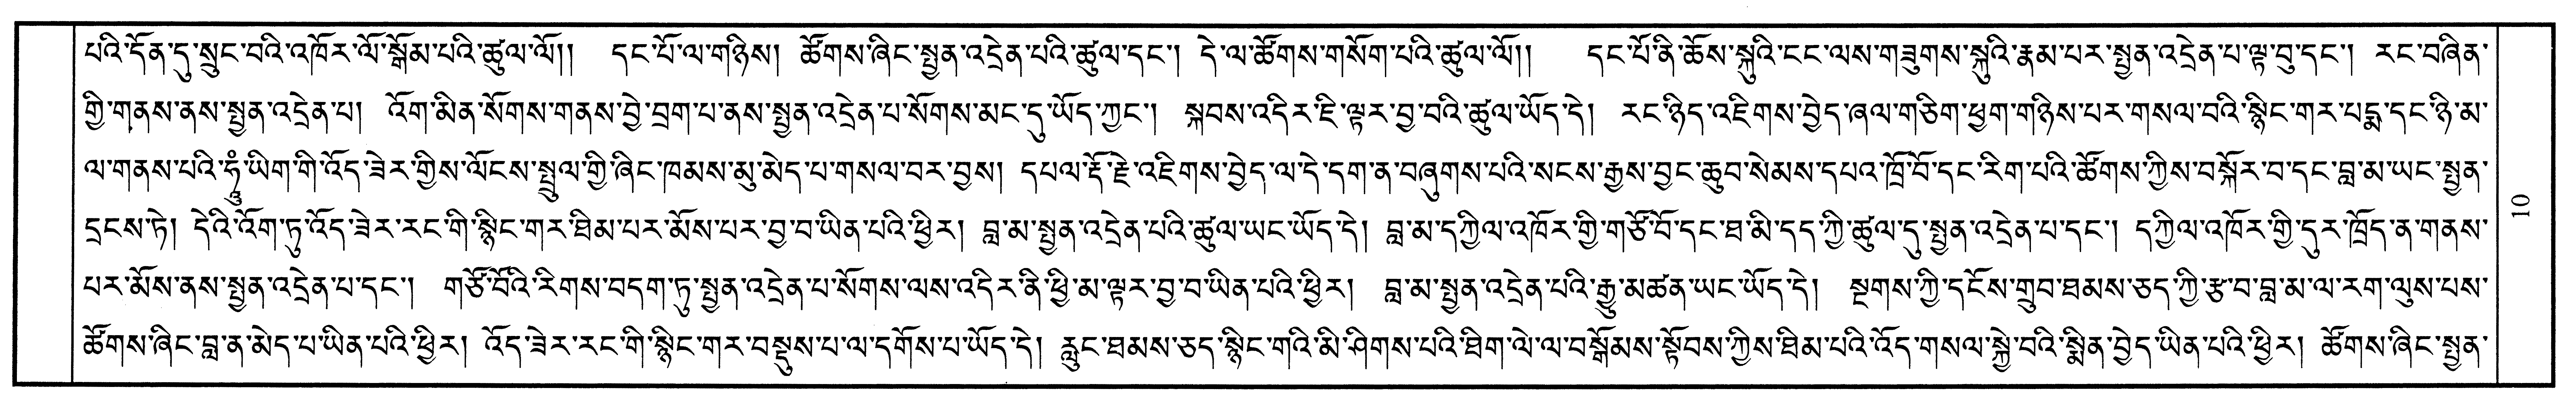པའི་དོན་དུ་སྲུང་བའི་འཁོར་ལོ་སྒོམ་པའི་ཚུལ་ལོ།། དང་པོ་ལ་གཉིས། ཚོགས་ཞིང་སྤྱན་འདྲེན་པའི་ཚུལ་དང་། དེ་ལ་ཚོགས་གསོག་པའི་ཚུལ་ལོ།། དང་པོ་ནི་ཆོས་སྐུའི་ངང་ལས་གཟུགས་སྐུའི་རྣམ་པར་སྤྱན་འདྲེན་པ་ལྟ་བུ་དང་། རང་བཞིན་
གྱི་གནས་ནས་སྤྱན་འདྲེན་པ། འོག་མིན་སོགས་གནས་བྱེ་བྲག་པ་ནས་སྤྱན་འདྲེན་པ་སོགས་མང་དུ་ཡོད་ཀྱང་། སྐབས་འདིར་ཇི་ལྟར་བྱ་བའི་ཚུལ་ཡོད་དེ། རང་ཉིད་འཇིགས་བྱེད་ཞལ་གཅིག་ཕྱག་གཉིས་པར་གསལ་བའི་སྙིང་གར་པདམ་དང་ཉི་མ་
ལ་གནས་པའི་ཧཱུཾ་ཡིག་གི་འོད་ཟེར་གྱིས་ལོངས་སྤྲུལ་གྱི་ཞིང་ཁམས་མུ་མེད་པ་གསལ་བར་བྱས། དཔལ་རྡོ་རྗེ་འཇིགས་བྱེད་ལ་དེ་དག་ན་བཞུགས་པའི་སངས་རྒྱས་བྱང་ཆུབ་སེམས་དཔའ་ཁྲོ་བོ་དང་རིག་པའི་ཚོགས་ཀྱིས་བསྐོར་བ་དང་བླ་མ་ཡང་སྤྱན་
དྲངས་ཏེ། དེའི་འོག་ཏུ་འོད་ཟེར་རང་གི་སྙིང་གར་ཐིམ་པར་མོས་པར་བྱ་བ་ཡིན་པའི་ཕྱིར། བླ་མ་སྤྱན་འདྲེན་པའི་ཚུལ་ཡང་ཡོད་དེ། བླ་མ་དཀྱིལ་འཁོར་གྱི་གཙོ་བོ་དང་ཐ་མི་དད་ཀྱི་ཚུལ་དུ་སྤྱན་འདྲེན་པ་དང་། དཀྱིལ་འཁོར་གྱི་དུར་ཁྲོད་ན་གནས་
པར་མོས་ནས་སྤྱན་འདྲེན་པ་དང་། གཙོ་བོའི་རིགས་བདག་ཏུ་སྤྱན་འདྲེན་པ་སོགས་ལས་འདིར་ནི་ཕྱི་མ་ལྟར་བྱ་བ་ཡིན་པའི་ཕྱིར། བླ་མ་སྤྱན་འདྲེན་པའི་རྒྱུ་མཚན་ཡང་ཡོད་དེ། སྔགས་ཀྱི་དངོས་གྲུབ་ཐམས་ཅད་ཀྱི་རྩ་བ་བླ་མ་ལ་རག་ལུས་པས་
ཚོགས་ཞིང་བླ་ན་མེད་པ་ཡིན་པའི་ཕྱིར། འོད་ཟེར་རང་གི་སྙིང་གར་བསྡུས་པ་ལ་དགོས་པ་ཡོད་དེ། རླུང་ཐམས་ཅད་སྙིང་གའི་མི་ཤིགས་པའི་ཐིག་ལེ་ལ་བསྒོམས་སྟོབས་ཀྱིས་ཐིམ་པའི་འོད་གསལ་སྐྱེ་བའི་སྨིན་བྱེད་ཡིན་པའི་ཕྱིར། ཚོགས་ཞིང་སྤྱན་